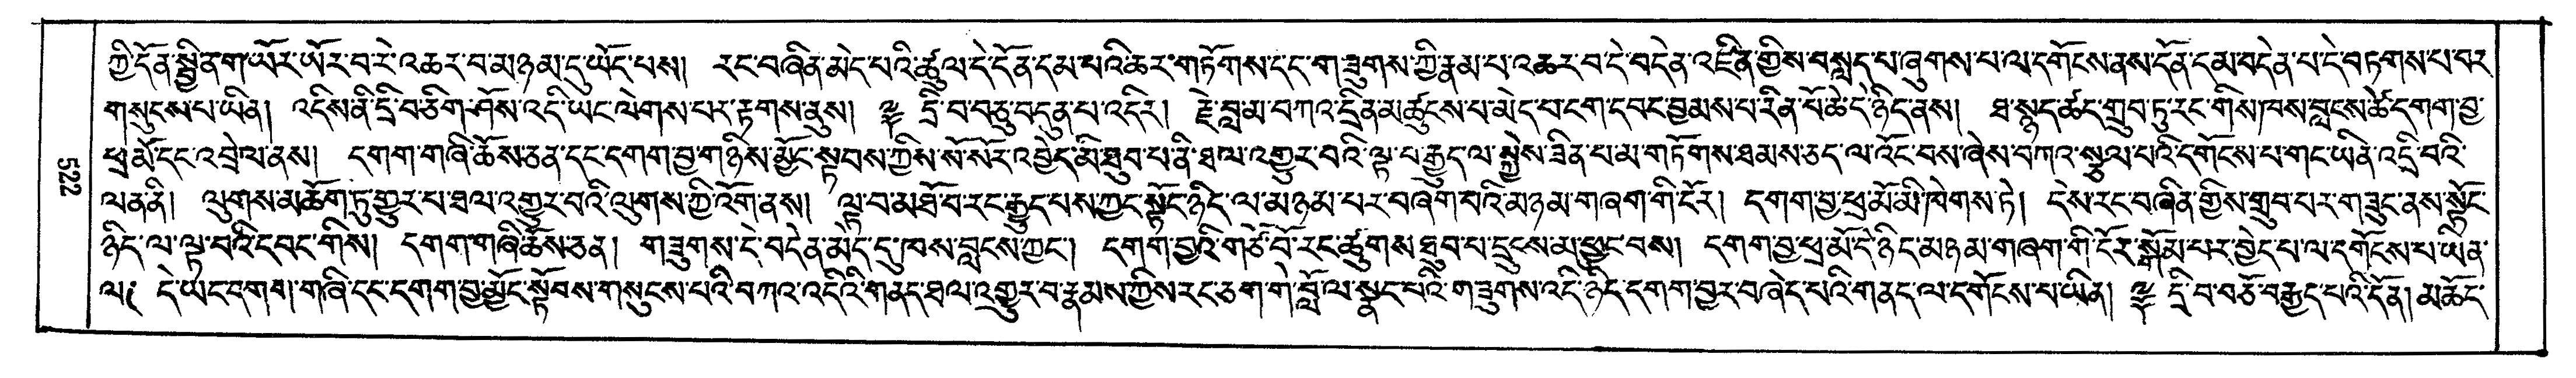ཀྱི་དོན་སྤྱི་ནག་ཡོར་ཡོར་བ་རེ་འཆར་བ་མཉམ་དུ་ཡོད་པས། རང་བཞིན་མེད་པའི་ཚུལ་དེ་དོན་དམ་པའི་ཆར་གཏོགས་དང་གཟུགས་ཀྱི་རྣམ་པ་འཆར་བ་དེ་བདེན་འཛིན་གྱིས་བསླད་པ་ཞུགས་པ་ལ་དགོངས་ནས་དོན་དམ་བདེན་པ་དེ་བཏགས་པ་བར་
གསུངས་པ་ཡིན། འདིས་ནི་དྲི་བ་ཅིག་ཤོས་འདི་ཡང་ལེགས་པར་རྟགས་ནུས། ༈ དྲི་བ་བཅུ་བདུན་པ་འདིར། རྗེ་བླ་མ་བཀའ་དྲིན་མཚུངས་པ་མེད་པ་ངག་དབང་བྱམས་པ་རིན་པོ་ཆེ་དེ་ཉིད་ནས། ཐ་སྙད་ཚད་གྲུབ་ཏུ་རང་གིས་ཁས་བླངས་ཚེ་དགག་བྱ་
ཕྲ་མོ་དང་འབྲེལ་ནས། དགག་གཞི་ཆོས་ཅན་དང་དགག་བྱ་གཉིས་མྱོང་སྟོབས་ཀྱིས་སོ་སོར་འབྱེད་མི་ཐུབ་པ་ནི་ཐལ་འགྱུར་བའི་ལྟ་བ་རྒྱུད་ལ་སྐྱེས་ཟིན་པ་མ་གཏོགས་ཐམས་ཅད་ལ་འོང་བས་ཞེས་བཀའ་སྩལ་བའི་དགོངས་པ་གང་ཡིན་འདྲི་བའི་
ལན་ནི། ལུགས་མཆོག་ཏུ་གྱུར་པ་ཐལ་འགྱུར་བའི་ལུགས་ཀྱི་འོག་ནས། ལྟ་བ་མཐོ་བ་རང་རྒྱུད་པས་ཀྱང་སྟོང་ཉིད་ལ་མཉམ་པར་བཞག་པའི་མཉམ་གཞག་གི་ངོར། དགག་བྱ་ཕྲ་མོ་མི་ཁེགས་ཏེ། དེས་རང་བཞིན་གྱིས་གྲུབ་པར་གཟུང་ནས་སྟོང་
ཉིད་ལ་ལྟ་བའི་དབང་གིས། དགག་གཞི་ཆོས་ཅན། གཟུགས་དེ་བདེན་མེད་དུ་ཁས་བླངས་ཀྱང་། དགག་བྱའི་གཙོ་བོ་རང་ཚུགས་ཐུབ་པ་དྲུངས་མ་ཕྱུང་བས། དགག་བྱ་ཕྲ་མོ་དེ་ཉིད་མཉམ་གཞག་གི་ངོར་སྒོམ་པར་བྱེད་པ་ལ་དགོངས་པ་ཡིན་
ལ༑ དེ་ཡང་དགག་གཞི་དང་དགག་བྱ་མྱོང་སྟོབས་གསུངས་པའི་བཀའ་འདིའི་གནད་ཐལ་འགྱུར་བ་རྣམས་ཀྱིས་རང་ཅག་ག་བློ་ལ་སྣང་བའི་གཟུགས་འདི་ཉིད་དགག་བྱར་བཞེད་པའི་གནད་ལ་དགོངས་པ་ཡིན། ༈ དྲི་བ་བཅོ་བརྒྱད་པའི་དོན། མཆོད་